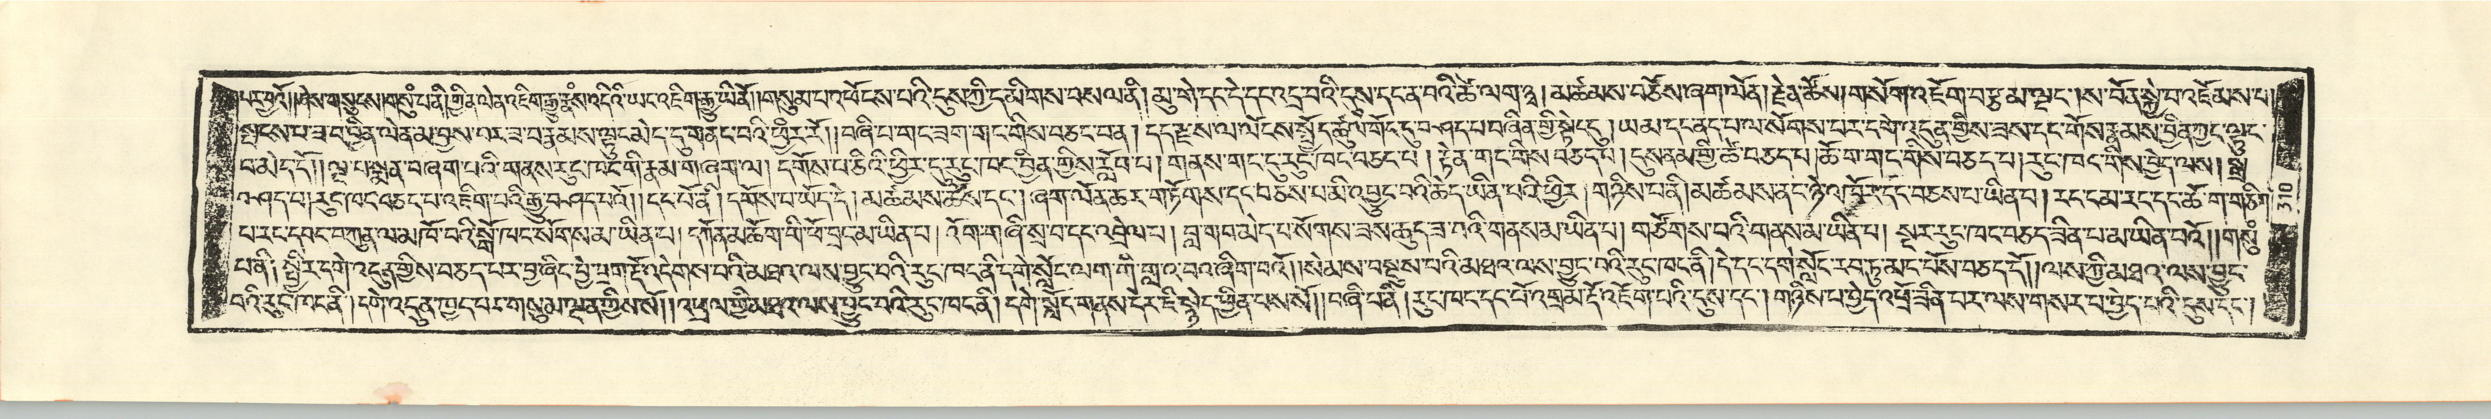པར་བྱའོ། །ཞེས་གསུངས། གསུམ་པ་ནི། གྱིན་ལེན་འཇིག་རྒྱུ་རྣམས་འདིའི་ཡང་འཇིག་རྒྱུ་ཡིན་ནོ། །གསུམ་པ་འཕོངས་པའི་དུས་ཀྱི་དམིགས་བསལ་ནི། མུ་གེ་དང་དེ་དང་འདྲ་བའི་དུས་དང་ན་བའི་ཚེ་ལག་ཉྭ། མཚམས་བཅོས་ཞག་ལོན། རྗེན་ཚོས། གསོག་འཇོག་བརྩམ་ལྔང་། ས་བོན་སྐྱེ་བ་འཇོམས་པ།
སྤངས་པ་ཟ་བ་བྱིན་ལེན་མ་བྱས་པར་ཟ་བ་རྣམས་ལྟུང་མེད་དུ་གནང་བའི་ཕྱིར་རོ། །བཞི་པ་གང་ཟག་གང་གིས་བཅད་པ་ན། དད་རྫས་ལ་ལོངས་སྤྱོད་ཚུལ་གོང་དུ་བཤད་པ་བཞིན་གྱི་སྟེང་དུ། ཡམ་དང་ནད་པ་ལ་སོགས་པར་དགེ་འདུན་གྱིས་ཟས་དང་གོས་རྣམས་བྱིན་ཀྱང་ལྟུང་
བ་མེད་དོ། །ལྔ་པ་སྨན་བཞག་པའི་གནས་རུང་ཁང་གི་རྣམ་གཞག་ལ། དགོས་པ་ཅིའི་ཕྱིར་དུ་རུང་ཁང་བྱིན་གྱིས་རློབ་པ། གནས་གང་དུ་རུང་ཁང་བཅད་པ། རྟེན་གང་གིས་བཅད་པ། དུས་ནམ་གྱི་ཚེ་བཅད་པ། ཆོ་ག་གང་གིས་བཅད་པ། རུང་ཁང་གིས་བྱེད་ལས། སྒྲ་
བཤད་པ། རུང་ཁང་བཅད་པ་འཇིག་པའི་རྒྱུ་བཤད་པའོ། །དང་པོ་ནི། དགོས་པ་ཡོད་དེ། མཚམས་ཆོས་དང་། ཞག་ལོན་ཆར་གཏོགས་དང་བཅས་པ་མི་འབྱུང་བའི་ཆེད་ཡིན་པའི་ཕྱིར། གཉིས་པ་ནི། མཚམས་ནང་ཉེ་འཁོར་དང་བཅས་པ་ཡིན་པ། རང་ངམ་རང་དང་ཆོ་ག་གཅིག་
པ་རང་དབང་བ་ཀུན་ལ་མཁོ་བའི་སྒོ་ཁང་སོགས་མ་ཡིན་པ། དཀོན་མཆོག་གི་ཕོ་བྲང་མ་ཡིན་པ། འོག་གཞི་སྲ་བ་དང་འབྲེལ་པ། བླ་གབ་མེད་པ་སོགས་ཟས་ཆུད་ཟ་བའི་གནས་མ་ཡིན་པ། གཙོགས་པའི་གནས་མ་ཡིན་པ། སྔར་རུང་ཁང་བཅད་ཟིན་པ་མ་ཡིན་པའོ། །གསུམ་
པ་ནི། སྤྱིར་དགེ་འདུན་གྱིས་བཅད་པར་བྱ་ཞིང་བྱེ་བྲག་རྡོ་འདེགས་པའི་མཐའ་ལས་བྱུང་བའི་རུང་ཁང་ནི་དགེ་སློང་ལག་གི་གླ་འབའ་ཞིག་བའོ། །སེམས་བསྡུས་པའི་མཐའ་ལས་བྱུང་བའི་རུང་ཁང་ནི། དེ་དང་དགེ་སློང་རབ་ཏུ་མང་པོས་བཅད་དོ། །ལས་ཀྱི་མཐའ་ཨོལས་བྱུང་
བའི་རུང་ཁང་ནི། དགེ་འདུན་ཁྱད་པར་གསུམ་ལྡན་གྱིས་སོ། །འཕྲལ་གྱི་མཐའ་ལས་བྱུང་བའི་རུང་ཁང་ནི། དགེ་སློང་གནས་དེར་ཇི་སྙེད་ཕྱིན་པས་སོ། །བཞི་པ་ནི། རུང་ཁང་དང་པོ་འགྲམ་རྡོ་འཇོག་པའི་དུས་དང་། གཉིས་པ་བྱེད་འཕྲོ་ཟིན་པར་ལས་གསར་པ་བྱེད་པའི་དུས་དང་།